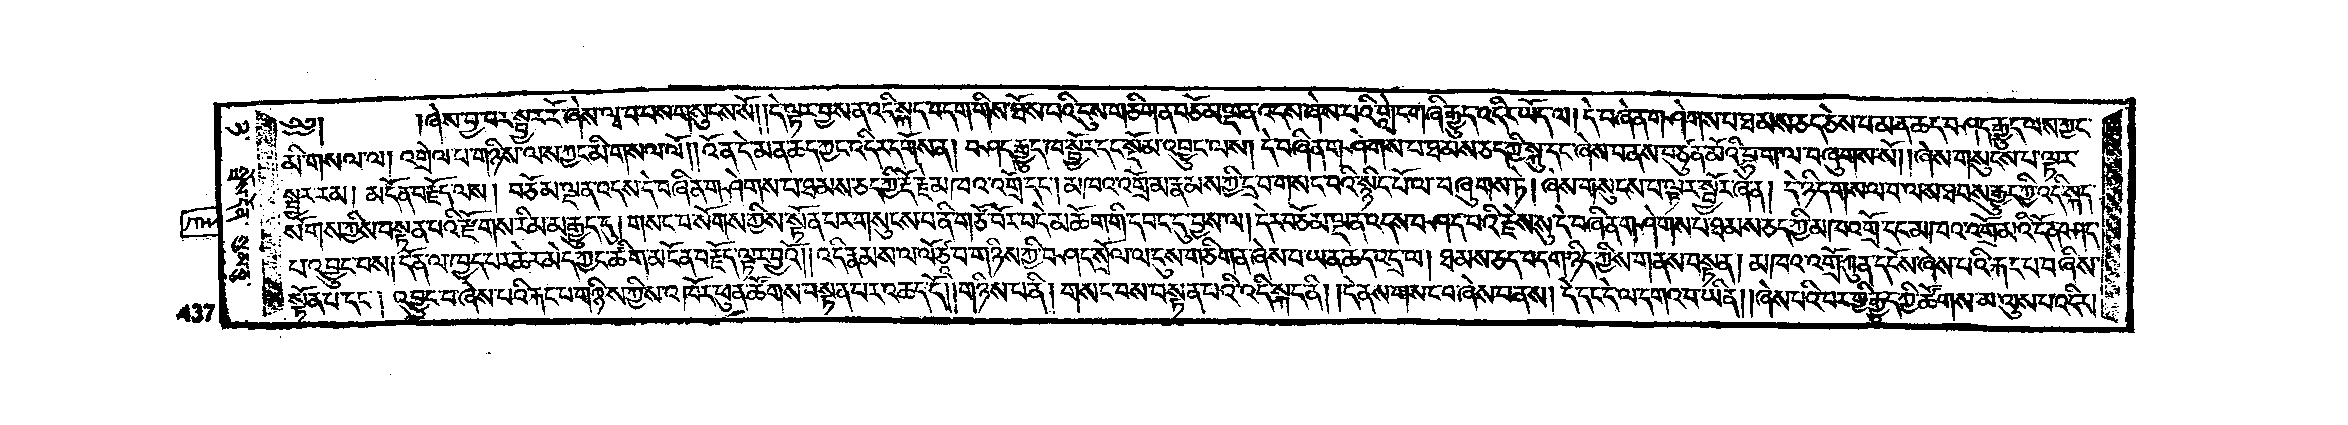༄༅། །ཞེས་བྱ་བར་སྦྱར་རོ་ཞེས་ལྭ་བ་པས་གསུངས་སོ། །དེ་ལྟར་བྱས་ན་འདི་སྐད་བདག་གིས་ཐོས་པའི་དུས་གཅིག་ན་བཅོམ་ལྡན་འདས་ཞེས་པའི་གླེང་གཞི་རྒྱུད་འདིར་ཡོད་ལ། དེ་བཞིན་གཤེགས་པ་ཐམས་ཅད་ཅེས་པ་མན་ཆད་བཤད་རྒྱུད་ལས་ཀྱང་
མི་གསལ་ལ། འགྲེལ་པ་གཉིས་ལས་ཀྱང་མི་གསལ་ལོ། །འོ་ན་དེ་མན་ཆད་ཀྱང་འདིར་དགོས་ན། བཤད་རྒྱུད་ཁ་སྦྱོར་དང་སྡོམ་འབྱུང་ལས། དེ་བཞིན་གཤེགས་པ་ཐམས་ཅད་ཀྱི་སྐུ་དང་ཞེས་པ་ནས་བཙུན་མོའི་བྷ་ག་ལ་བཞུགས་སོ། །ཞེས་གསུངས་པ་ལྟར་
སྦྱར་རམ། མངོན་བརྗོད་ལས། བཅོམ་ལྡན་འདས་དེ་བཞིན་གཤེགས་པ་ཐམས་ཅད་ཀྱི་རྡོ་རྗེ་མཁའ་འགྲོ་དང་། མཁའ་འགྲོ་མ་རྣམས་ཀྱི་དྲ་བ་གསང་བའི་སྙིང་པོ་ལ་བཞུགས་ཏེ། ཞེས་གསུངས་པ་ལྟར་སྦྱོར་ཞེ་ན། དེ་ཉིད་གསལ་བ་ལས་ཐབས་རྒྱུད་ཀྱི་འདི་སྐད་
སོགས་ཀྱིས་བསྟན་པའི་རྫོགས་རིམ་མ་རྒྱུད་དུ། གསང་བ་སོགས་ཀྱིས་སྟོན་པར་གསུངས་པ་ནི་གཙོ་བོར་བདེ་མཆོག་གི་དབང་དུ་བྱས་ལ། དེར་བཅོམ་ལྡན་འདས་བཤད་པའི་རྗེས་སུ་དེ་བཞིན་གཤེགས་པ་ཐམས་ཅད་ཀྱི་མཁའ་འགྲོ་དང་མཁའ་འགྲོ་མའི་དོན་བཤད་
པ་འབྱུང་བས། དོན་ལ་ཁྱད་པར་ཆེར་མེད་ཀྱང་ཚིག་མངོན་བརྗོད་ལྟར་བྱའོ། །འདི་རྣམས་ལ་ལོ་ཙཱ་བ་གཉིས་ཀྱི་བཤད་སྲོལ་ལ་དུས་གཅིག་ན་ཞེས་པ་ཡན་ཆད་འདྲ་ལ། ཐམས་ཅད་བདག་ཉིད་ཀྱིས་གནས་བསྟན། མཁའ་འགྲོ་ཀུན་དངོས་ཞེས་པའི་རྐང་པ་བཞིས་
སྟོན་པ་དང་། འབྱུང་བ་ཞེས་པའི་རྐང་པ་གཉིས་ཀྱིས་འཁོར་ཕུན་ཚོགས་བསྟན་པར་འཆད་དོ། །གཉིས་པ་ནི། གསང་བས་བསྟན་པའི་འདི་སྐད་ནི། །དེ་ནས་གསང་བ་ཞེས་པ་ནས། དེ་དང་དེ་ལ་དགའ་བ་ཡིན། །ཞེས་པའི་བར་གྱི་རྒྱུད་ཀྱི་ཚོགས་མ་ལུས་པ་འདིར།